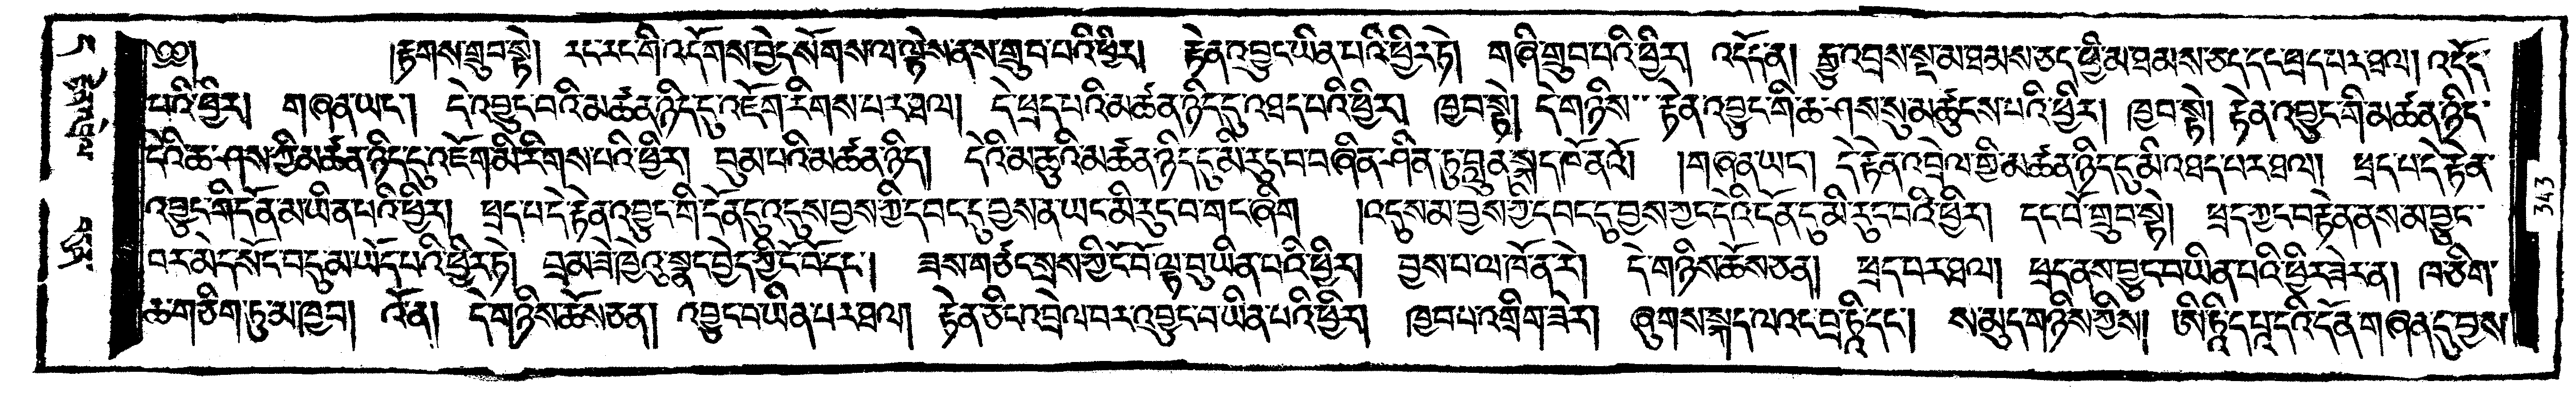༄༅། །རྟགས་གྲུབ་སྟེ། རང་རང་གི་འདོགས་བྱེད་སོགས་ལ་ལྟེས་ནས་གྲུབ་པའི་ཕྱིར། རྟེན་འབྱུང་ཡིན་པའི་ཕྱིར་ཏེ། གཞི་གྲུབ་པའི་ཕྱིར། འདོད་ན། རྒྱུ་འབྲས་སྔ་མ་ཐམས་ཅད་ཕྱི་མ་ཐམས་ཅད་དང་ཕྲད་པར་ཐལ། འདོད་
པའི་ཕྱིར། གཞན་ཡང་། དེ་འབྱུང་བའི་མཚན་ཉིད་དུ་འཇོག་རིགས་པར་ཐལ། དེ་ཕྲད་པའི་མཚན་ཉིད་དུ་འཐད་པའི་ཕྱིར། ཁྱབ་སྟེ། དེ་གཉིས་རྟེན་འབྱུང་གི་ཆ་ཤས་སུ་མཚུངས་པའི་ཕྱིར། ཁྱབ་སྟེ། རྟེན་འབྱུང་གི་མཚན་ཉིད་
དེའི་ཆ་ཤས་ཀྱི་མཚན་ཉིད་དུ་འཇོག་མི་རིགས་པའི་ཕྱིར། བུམ་པའི་མཚན་ཉིད། དེའི་མཆུའི་མཚན་ཉིད་དུ་མི་རུང་བ་བཞིན་ཤིན་ཏུ་བླུན་སྐད་ཁོ་ནའོ། །གཞན་ཡང་། དེ་རྟེན་འབྲེལ་གྱི་མཚན་ཉིད་དུ་མི་འཐད་པར་ཐལ། ཕྲད་པ་དེ་རྟེན་
འབྱུང་གི་དོན་མ་ཡིན་པའི་ཕྱིར། ཕྲད་པ་དེ་རྟེན་འབྱུང་གི་དོན་དུ་འདུས་བྱས་ཀྱི་དབང་དུ་བྱས་ན་ཡང་མི་རུང་བ་གང་ཞིག །འདུས་མ་བྱས་ཀྱི་དབང་དུ་བྱས་ཀྱང་དེའི་དོན་དུ་མི་རུང་བའི་ཕྱིར། དང་པོ་གྲུབ་སྟེ། ཕྲད་ཀྱང་བརྟེན་ནས་མ་བྱུང་
བར་མེད་སོང་བ་དུ་མ་ཡོད་པའི་ཕྱིར་ཏེ། བྲམ་ཟེ་ཁྱེའུ་སྣང་བྱེད་ཀྱི་ངོ་བོ་དང་། ཟས་གཙང་སྲས་ཀྱི་ངོ་བོ་ལྟ་བུ་ཡིན་པའི་ཕྱིར། བྱས་པ་ལ་ཁོ་ན་རེ། དེ་གཉིས་ཆོས་ཅན། ཕྲད་པར་ཐལ། ཕྲད་ནས་བྱུང་བ་ཡིན་པའི་ཕྱིར་ཟེར་ན། ཁ་ཅིག་
ཆ་གཅིག་ཏུ་མ་ཁྱབ། འོ་ན། དེ་གཉིས་ཆོས་ཅན། འབྱུང་བ་ཡིན་པར་ཐལ། རྟེན་ཅིང་འབྲེལ་བར་འབྱུང་བ་ཡིན་པའི་ཕྱིར། ཁྱབ་པ་འགྲིག་ཟེར། ཞུགས་སྐད་ལའང་པྲ་ཏཱི་དང་། ས་མུད་གཉིས་ཀྱིས། ཨི་ཏཱི་ད་པཱ་དའི་དོན་གཞན་དུ་བྱས་